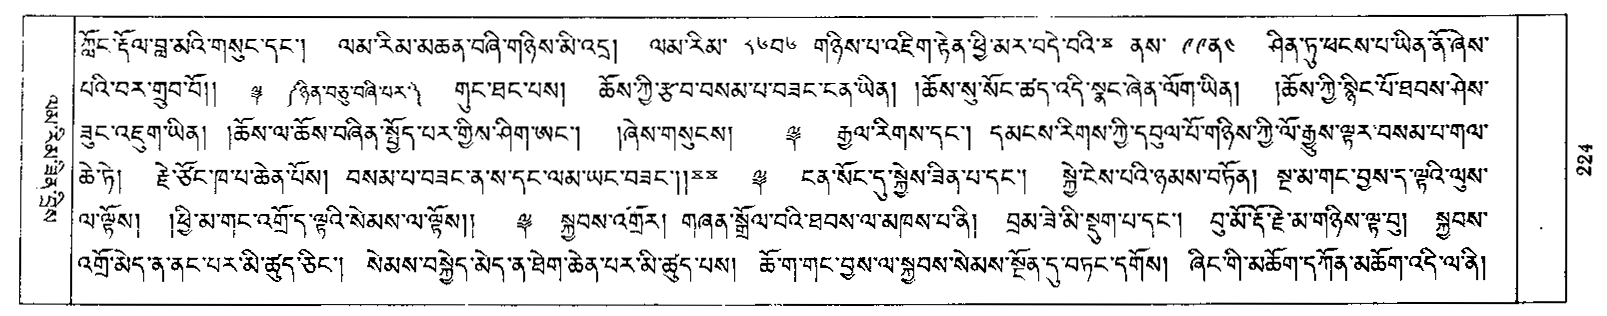ཀློང་རྡོལ་བླ་མའི་གསུང་དང་། ལམ་རིམ་མཆན་བཞི་གཉིས་མི་འདྲ། ལམ་རིམ ༨༦་བ ༦་གཉིས་པ་འཇིག་རྟེན་ཕྱི་མར་བདེ་བའི་ནས ༩༩་ན ༤་ཤིན་ཏུ་ཕངས་པ་ཡིན་ནོ་ཞེས་
པའི་བར་གྲུབ་བོ།། ༈ ཉིན་བཅུ་བཞི་པར྄་གུང་ཐང་པས། ཆོས་ཀྱི་རྩ་བ་བསམ་པ་བཟང་ངན་ཡིན། །ཆོས་སུ་སོང་ཚད་འདི་སྣང་ཞེན་ལོག་ཡིན། །ཆོས་ཀྱི་སྙིང་པོ་ཐབས་ཤེས་
ཟུང་འཇུག་ཡིན། །ཆོས་ལ་ཆོས་བཞིན་སྤྱོད་པར་གྱིས་ཤིག་ཨང་། །ཞེས་གསུངས། ༈ རྒྱལ་རིགས་དང་། དམངས་རིགས་ཀྱི་དབུལ་པོ་གཉིས་ཀྱི་ལོ་རྒྱུས་ལྟར་བསམ་པ་གལ་
ཆེ་ཏེ། རྗེ་ཙོང་ཁ་པ་ཆེན་པོས། བསམ་པ་བཟང་ན་ས་དང་ལམ་ཡང་བཟང།། ༈ ངན་སོང་དུ་སྐྱེས་ཟིན་པ་དང་། སྐྱེ་ངེས་པའི་ཉམས་བཏོན། སྔ་མ་གང་བྱས་ད་ལྟའི་ལུས་
ལ་ལྟོས། །ཕྱི་མ་གང་འགྲོ་ད་ལྟའི་སེམས་ལ་ལྟོས།། ༈ སྐྱབས་འགྲོར། གཞན་སྒྲོལ་བའི་ཐབས་ལ་མཁས་པ་ནི། བྲམ་ཟེ་མི་སྡུག་པ་དང་། བུ་མོ་རྡོ་རྗེ་མ་གཉིས་ལྟ་བུ། སྐྱབས་
འགྲོ་མེད་ན་ནང་པར་མི་ཚུད་ཅིང་། སེམས་བསྐྱེད་མེད་ན་ཐེག་ཆེན་པར་མི་ཚུད་པས། ཆོ་ག་གང་བྱས་ལ་སྐྱབས་སེམས་སྔོན་དུ་བཏང་དགོས། ཞིང་གི་མཆོག་དཀོན་མཆོག་འདི་ལ་ནི།